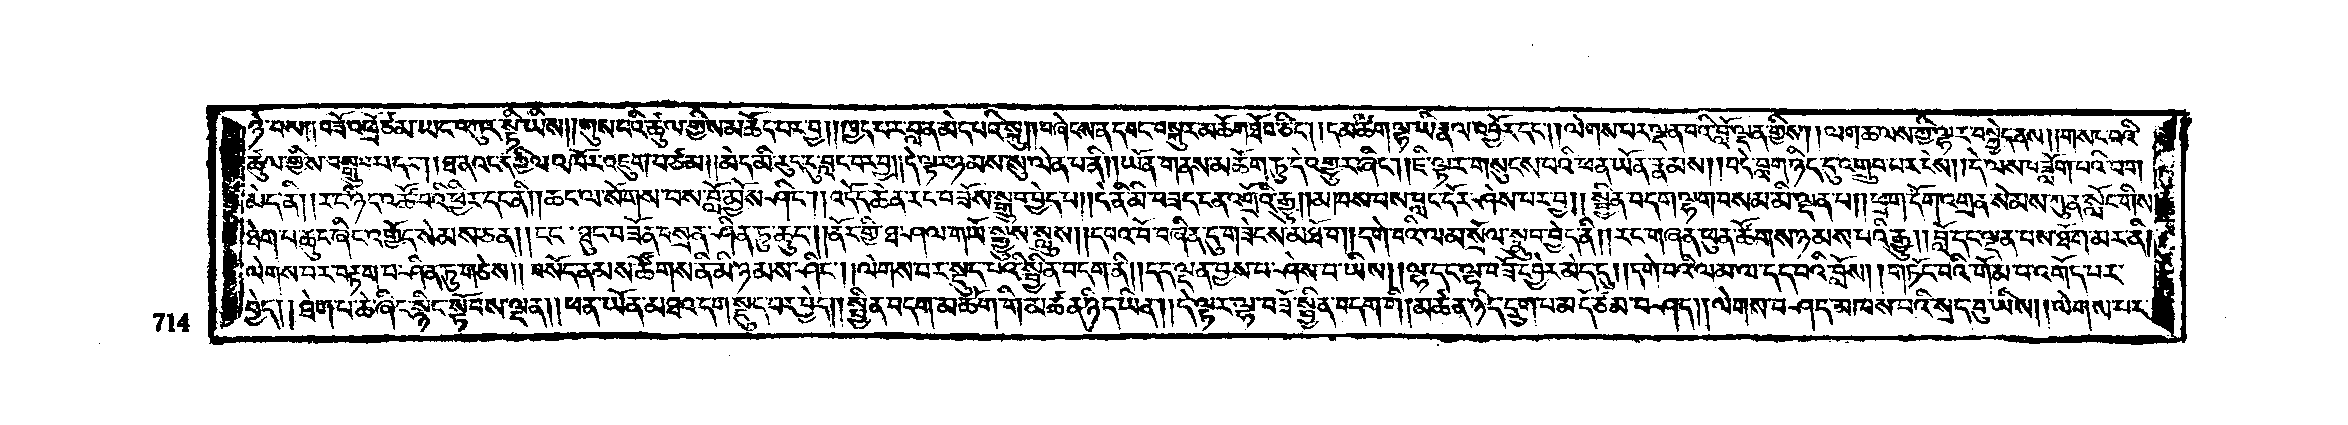ཉེ་བས། །བཟོ་འཕྲོ་ཙམ་ཡང་བཀུར་སྟི་ཡིས། །གུས་པའི་ཚུལ་གྱིས་མཆོད་པར་བྱ། །ཁྱད་པར་བླ་ན་མེད་པའི་སྐུ། །བཞེངས་ན་དབང་བསྐུར་མཆོག་ཐོབ་ཅིང་། །དམ་ཚིག་ལྷ་ཡི་རྣལ་འབྱོར་དང་། །ལེགས་པར་ལྡན་པའི་བློ་ལྡན་གྱིས། །ལག་ཆ་ལས་ཀྱི་ལྷར་བསྐྱེད་ནས། །གསང་བའི་
ཚུལ་གྱིས་བསྒྲུབ་པ་དང་། །ཐ་ནའང་དཀྱིལ་འཁོར་འཇུག་པ་ཙམ། །མེད་མི་རུང་དུ་བླང་བར་བྱ། །དེ་ལྟར་ཉམས་སུ་ལེན་པ་ནི། །ཡོན་གནས་མཆོག་ཏུ་དེ་འགྱུར་ཞིང་། །ཇི་ལྟར་གསུངས་པའི་ཕན་ཡོན་རྣམས། །བདེ་བླག་ཉིད་དུ་འགྲུབ་པར་ངེས། །དེ་ལས་བཟློག་པའི་བག་
མེད་ནི། །རང་ཉིད་འཚོ་བའི་ཕྱིར་དང་ནི། །ཆང་ལ་སོགས་པས་བློ་མྱོས་ཤིང་། །འདོད་ཆེན་རང་བཟོས་སྒྲུབ་བྱེད་པ། །དེ་ནི་མི་བཟད་ངན་འགྲོའི་རྒྱུ། །མཁས་པས་བླང་དོར་ཤེས་པར་བྱ། །སྦྱིན་བདག་ལྷག་བསམ་མི་ལྡན་པ། །ཕྲག་དོག་འགྲན་སེམས་ཀུན་སློང་གིས་
ཐེག་པ་ཆུང་ཞིང་འགྱོད་སེམས་ཅན། །ངང་ཐུང་བཟོན་བསྲན་ཤིན་ཏུ་ཆུང་། །ནོར་གྱི་ཐ་ཤལ་གཡོ་སྒྱུས་སླུས། །དཔའ་བོ་བཞིན་དུ་གཟེངས་མཐོ་བ། །དགེ་བའི་ལམ་སྲོལ་སྣུབ་བྱེད་ནི། །རང་གཞན་ཕུན་ཚོགས་ཉམས་པའི་རྒྱུ། །བློ་དང་ལྡན་པས་ཐོག་མར་ནི།
ལེགས་པར་བརྟག་པ་ཤིན་ཏུ་གཅེས། །བསོད་ནམས་ཚོགས་ནི་མི་ཉམས་ཤིང་། །ལེགས་པར་སྡུད་པའི་སྦྱིན་བདག་ནི། །དད་ལྡན་བྱས་པ་ཤེས་པ་ཡིས། །ལྷ་དང་ལྷ་བཟོ་དབྱེར་མེད་དུ། །དགེ་བའི་ལམ་ལ་དད་པའི་བློས། །གཏོང་པའི་གོམ་པ་འགོད་པར་
བྱེད། །ཐེག་པ་ཆེ་ཞིང་སྙིང་སྟོབས་ལྡན། །ཕན་ཡོན་མཐའ་དག་སྡུད་པར་བྱེད། །སྦྱིན་བདག་མཆོག་གི་མཚན་ཉིད་ཡིན། །དེ་ལྟར་ལྷ་བཟོ་སྦྱིན་བདག་གི །མཚན་ཉིད་དྲུག་པ་མདོ་ཙམ་བཤད། །ལེགས་བཤད་མཁས་པའི་སྲད་བུ་ཡིས། །ལེགས་པར་